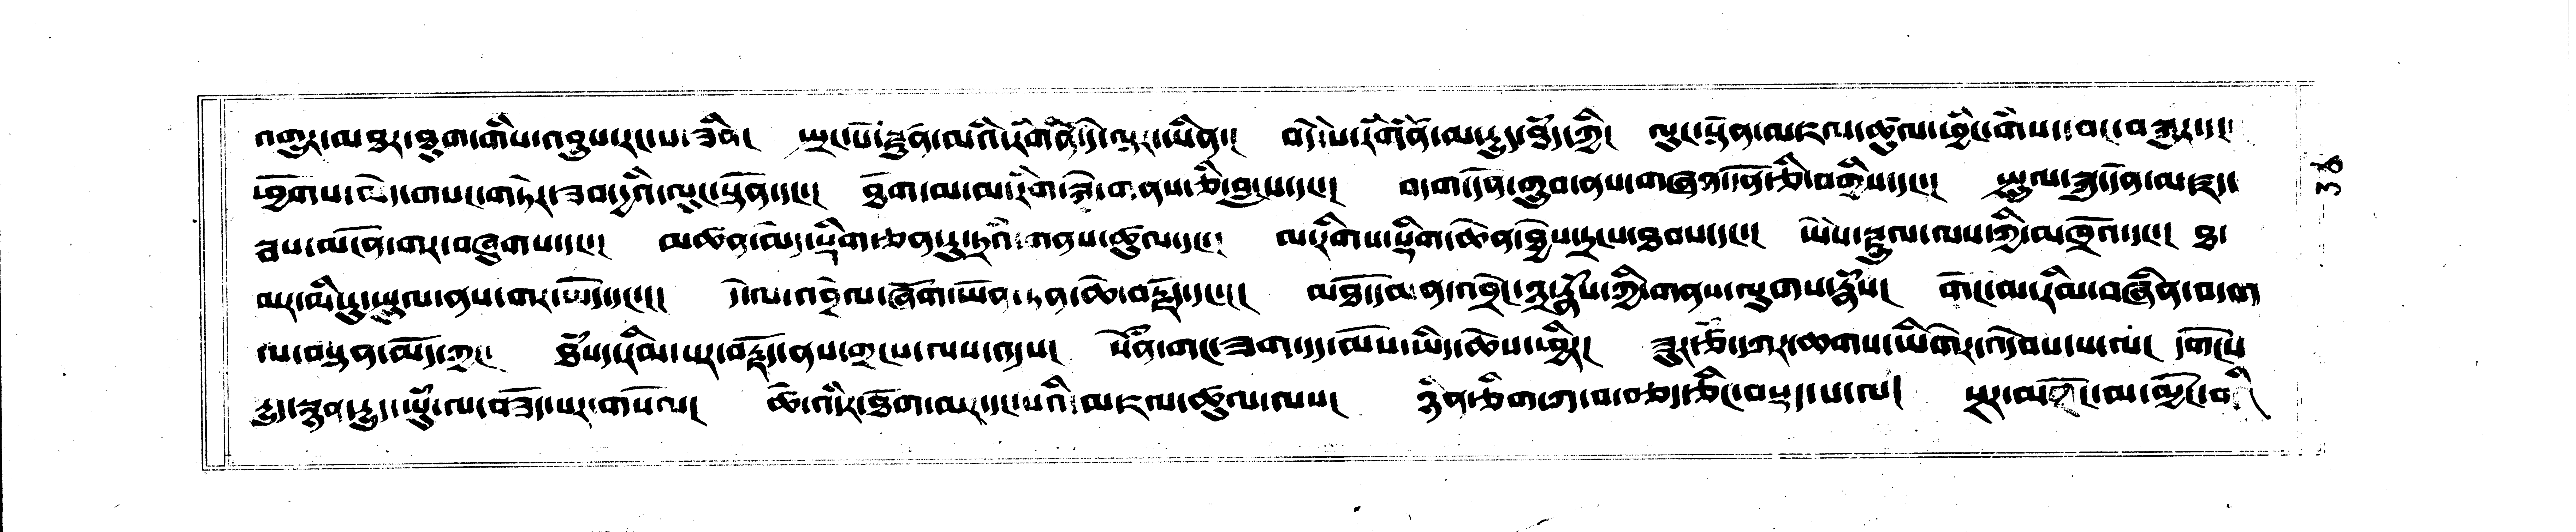འགྱུར་མཐར་ཐུག་གི་འབྲས་བུ་རང་ས་ཟིན། སྤྲང་པོ་རྫུན་མའི་རིག་འཛིན་དེ་ལྟར་ཡིན། བདེར་གཤེགས་རིག་འཛིན་མ་རྒྱུད་ཐམས་ཅད་ཀྱི། ལུང་སྟོན་མཇལ་ཚུལ་ཕྱི་ནང་གིས་དབང་བསྐུར་དང་། 
ཕྱོགས་མེད་གསང་གཏེར་ཟབ་རྒྱའི་ལུང་སྟོན་དང་། ཐོག་མ་མ་རིག་སྐྱེ་གནས་ཅི་བླངས་དང་། བདག་དོན་གྲུབ་ནས་གཞན་དོན་ཅི་བགྱིས་དང་། སྤྲུལ་སྐུ་དོན་མཛད་
སྦས་མངོན་གར་བཞུགས་དང་། མཚན་མེད་སྡིག་ཅན་རུ་ཏྲའི་གནས་ཚུལ་དང་། མ་རིག་སྡིག་ཆེན་ཐུགས་རྗེ་དྲངས་ཐབས་དང་། ཡེ་ཤེས་རྫུ་འཕྲུལ་ལས་ཀྱི་མཁའ་འགྲོ་དང་། ཐ་
མར་མི་རུ་སྤྲུལ་ནས་གར་ཡོད་དང་། དེ་ལ་འབྲེལ་ཞོག་ཡོན་ཏན་ཆེ་བརྗོད་དང་། མཐོ་དམན་འབྲིང་གསུམ་རྣམས་ཀྱི་གནས་ལུགས་རྣམས། གོང་མ་རིམ་བཞིན་བདག་
ལ་བསྟན་མོད་ཀྱང་། ཐམས་ཅད་རིམ་པར་བརྗོད་ནས་གྲངས་ལས་འདས། སེམས་ཅན་གང་ཟག་དད་མོས་ཡིད་ཆེས་ཕྱིར། ཟུར་ཙམ་དཀར་ཆག་ཡི་གེར་འདེབས་པ་ལ། དགོངས་
རྒྱུད་སྙན་རྒྱུད་ཡུམ་ལ་བཟོད་པར་གསོལ། ཚེ་འདིར་ཐོག་མར་དང་པའི་མཇལ་ཚུལ་ལས། ཉིན་ཅིག་དཀའ་བ་བཅད་ཅིང་བསྡད་པ་ལ། སྔར་མཐོང་མ་མྱོང་བའི་